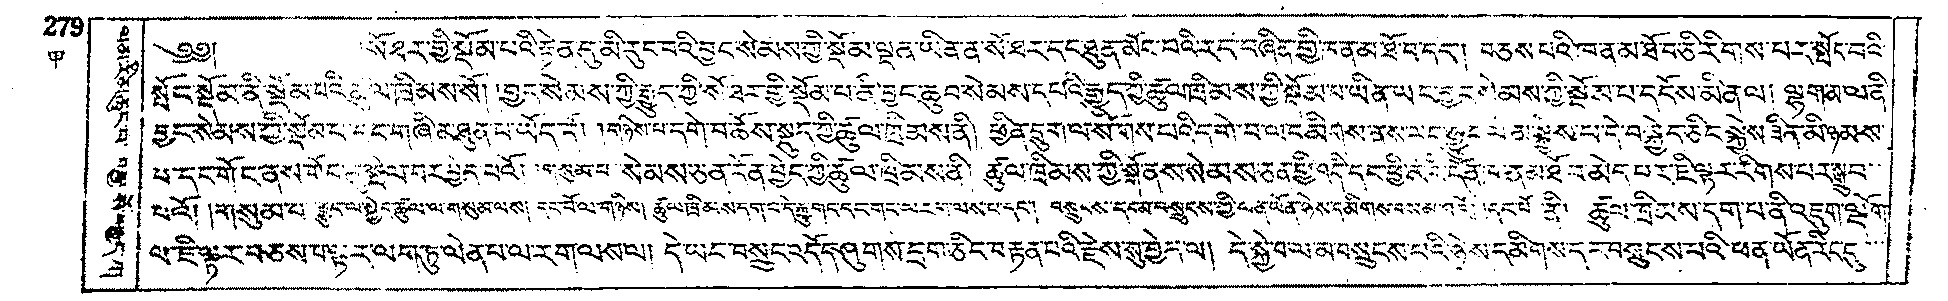༄༅། །སོ་ཐར་གྱི་སྡོམ་པའི་རྟེན་དུ་མི་རུང་བའི་བྱང་སེམས་ཀྱི་སྡོམ་ལྡན་ཡིན་ན་སོ་ཐར་དང་ཐུན་མོང་བའི་རང་བཞིན་གྱི་ཁ་ན་མ་ཐོ་བ་དང་། བཅས་པའི་ཁ་ན་མ་ཐོ་བ་ཅི་རིགས་པར་སྤོང་བའི་
སྤོང་སྡོམ་ནི་སྡོམ་པའི་ཚུལ་ཁྲིམས་སོ། །བྱང་སེམས་ཀྱི་རྒྱུད་ཀྱི་སོ་ཐར་གྱི་སྡོམ་པ་ནི་བྱང་ཆུབ་སེམས་དཔའི་རྒྱུད་ཀྱི་ཚུལ་ཁྲིམས་ཀྱི་སྡོམ་པ་ཡིན་ཡང་བྱང་སེམས་ཀྱི་སྡོམ་པ་དངོས་མིན་ལ། ལྷག་མ་ལ་ནི་
བྱང་སེམས་ཀྱི་སྡོམ་པ་དང་གཞི་མཐུན་པ་ཡོད་དོ། །གཉིས་པ་དགེ་བ་ཆོས་སྡུད་ཀྱི་ཚུལ་ཁྲིམས་ནི། ཕྱིན་དྲུག་ལ་སོགས་པའི་དགེ་བ་ལ་དམིགས་ནས་རང་རྒྱུང་ལམ་སྐྱེས་པ་དེ་བསྐྱེད་ཅིང་སྐྱེས་ཟིན་མི་ཉམས་
པ་དང་གོང་ནས་གོང་དུ་སྤེལ་བར་བྱེད་པའོ། །གསུམ་པ་སེམས་ཅན་དོན་བྱེད་ཀྱི་ཚུལ་ཁྲིམས་ནི། ཚུལ་ཁྲིམས་ཀྱི་སྒོ་ནས་སེམས་ཅན་གྱི་འདི་དང་ཕྱི་མའི་དོན་ཁ་ན་མ་ཐོ་བ་མེད་པར་ཇི་ལྟར་རིགས་པར་སྒྲུབ་
པའོ། །གསུམ་པརྒྱུད་ལ་སྐྱེད་ཚུལ་ལ་གསུམ་ལས། དང་པོ་ལ་གཉིས། ཚུལ་ཁྲིམས་དག་བ་དེ་རྒྱུ་གང་དང་གང་ལ་རག་ལས་པ་དང་། བསྲུངས་དང་མ་བསྲུངས་ཀྱི་ཕན་ཡོན་ཉེས་དམིགས་བསམ་པའོ། །དང་པོ་ནི། ཚུལ་ཁྲིམས་དག་པ་ནི་འཇུག་ལྡོག་
ལ་ཇི་ལྟར་བཅས་པ་ལྟར་ལག་ཏུ་ལེན་པ་ལ་རག་ལས་ལ། དེ་ཡང་བསྲུང་འདོད་ཤུགས་དྲག་ཅིང་བརྟན་པའི་རྗེས་སུ་བྱེད་ལ། དེ་སྐྱེ་བ་ལ་མ་བསྲུངས་པའི་ཉེས་དམིགས་དང་བསྲུངས་པའི་ཕན་ཡོན་རིང་དུ་